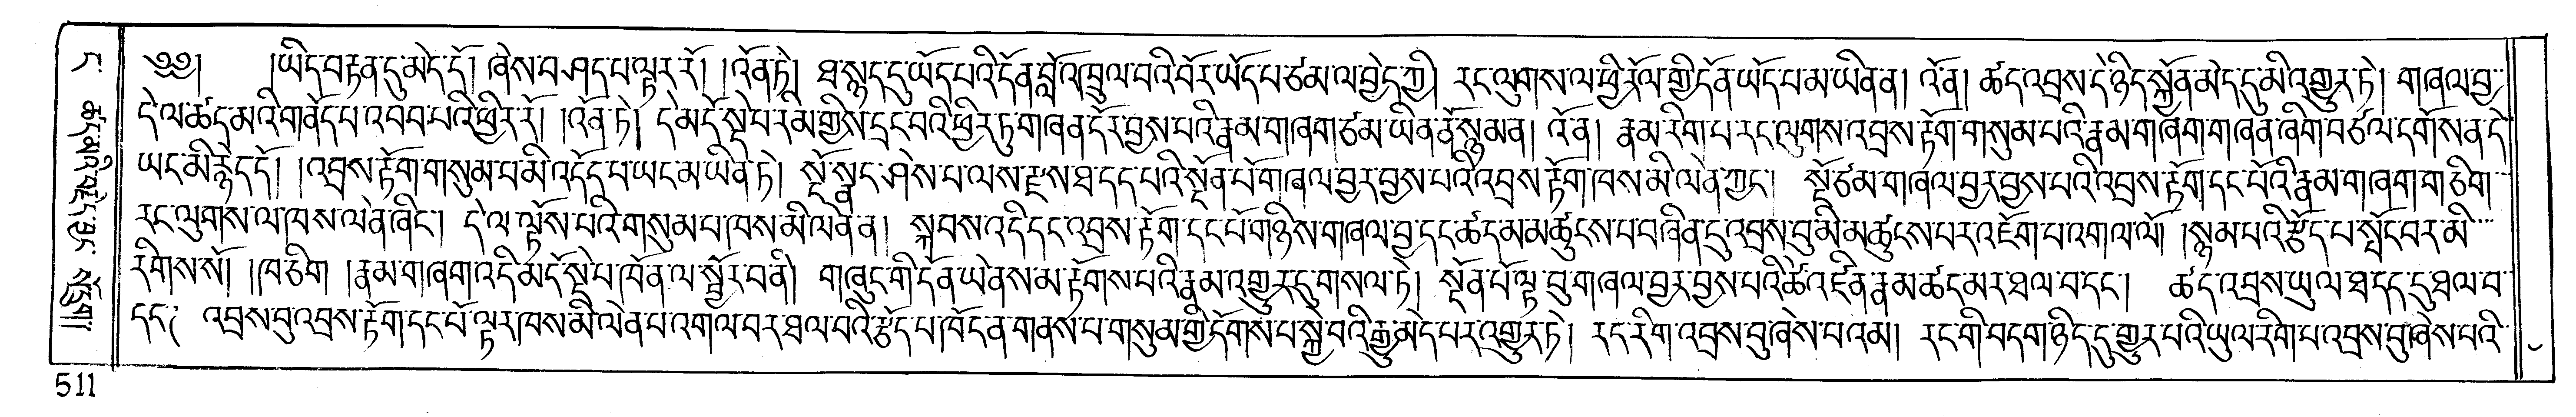༄༅། །ཡིད་བརྟན་དུ་མེད་དོ། ཞེས་བཤད་བ་ལྟར་རོ། །འོན་ཏེ། ཐ་སྙད་དུ་ཡོད་པའི་དོན་བློ་འཁྲུལ་པའི་ངོར་ཡོད་པ་ཙམ་ལ་བྱེད་ཀྱི། རང་ལུགས་ལ་ཕྱི་རོལ་གྱི་དོན་ཡོད་པ་མ་ཡིན་ནོ། འོ་ན། ཚད་འབྲས་དེ་ཉིད་སྐྱོན་མེད་དུ་མི་འགྱུར་ཏེ། གཞལ་བྱ་
དེ་ལ་ཚད་མའི་གནོད་པ་འབབ་པའི་ཕྱིར་རོ། །འོན་ཏེ། དེ་མདོ་སྡེ་པ་རིམ་གྱིས་དྲང་བའི་ཕྱིར་ཏུ་གཞན་ངོར་བྱས་པའི་རྣམ་གཞག་ཙམ་ཡིན་ནོ་སྙམ་ན། འོ་ན། རྣམ་རིག་པ་རང་ལུགས་འབྲས་རྟོག་གསུམ་པའི་རྣམ་གཞག་གཞན་ཞིག་བཙལ་དགོས་ན་དེ་
ཡང་མི་རྙེད་དོ། །འབྲས་རྟོག་གསུམ་པ་མི་འདོད་པ་ཡང་མ་ཡིན་ཏེ། སྔོ་སྣང་ཤེས་པ་ལས་རྫས་ཐ་དད་པའི་སྔོན་པོ་གཞལ་བྱར་བྱས་པའི་འབྲས་རྟོག་ཁས་མི་ལེན་ཀྱང་། སྔོ་ཙམ་གཞལ་བྱར་བྱས་པའི་འབྲས་རྟོག་དང་པོའི་རྣམ་གཞག་གཅིག་
རང་ལུགས་ལ་ཁས་ལེན་ཞིང་། དེ་ལ་ལྟོས་པའི་གསུམ་པ་ཁས་མི་ལེན་ན། སྐབས་འདི་དང་འབྲས་རྟོག་དང་པོ་གཉིས་གཞལ་བྱ་དང་ཚད་མ་མཚུངས་པ་བཞིན་དུ་འབྲས་བུ་མི་མཚུངས་པར་འཇོག་པ་འགལ་ལོ། །སྙམ་པའི་རྩོད་པ་སྤོང་བར་མི་
རིགས་སོ། །ཁ་ཅིག །རྣམ་གཞག་འདི་མདོ་སྡེ་པ་ཁོ་ན་ལ་སྦྱོར་བ་ནི། གཞུང་གི་དོན་ཡེ་ནས་མ་རྟོགས་པའི་རྣམ་འགྱུར་དུ་གསལ་ཏེ། སྔོན་པོ་ལྟ་བུ་གཞལ་བྱར་བྱས་པའི་ཚེ་འཛིན་རྣམ་ཚད་མར་ཐལ་བ་དང་། ཚད་འབྲས་ཡུལ་ཐ་དད་དུ་ཐལ་བ་
དང༑ འབྲས་བུ་འབྲས་རྟོག་དང་པོ་ལྟར་ཁས་མི་ལེན་པ་འགལ་བར་ཐལ་བའི་རྩོད་པ་ཁོང་ན་གནས་པ་གསུམ་གྱི་དོགས་པ་སྐྱེ་བའི་རྒྱུ་མེད་པར་འགྱུར་ཏེ། རང་རིག་འབྲས་བུ་ཞེས་པའམ། རང་གི་བདག་ཉིད་དུ་གྱུར་པའི་ཡུལ་རིག་པ་འབྲས་བུ་ཞེས་པའི་